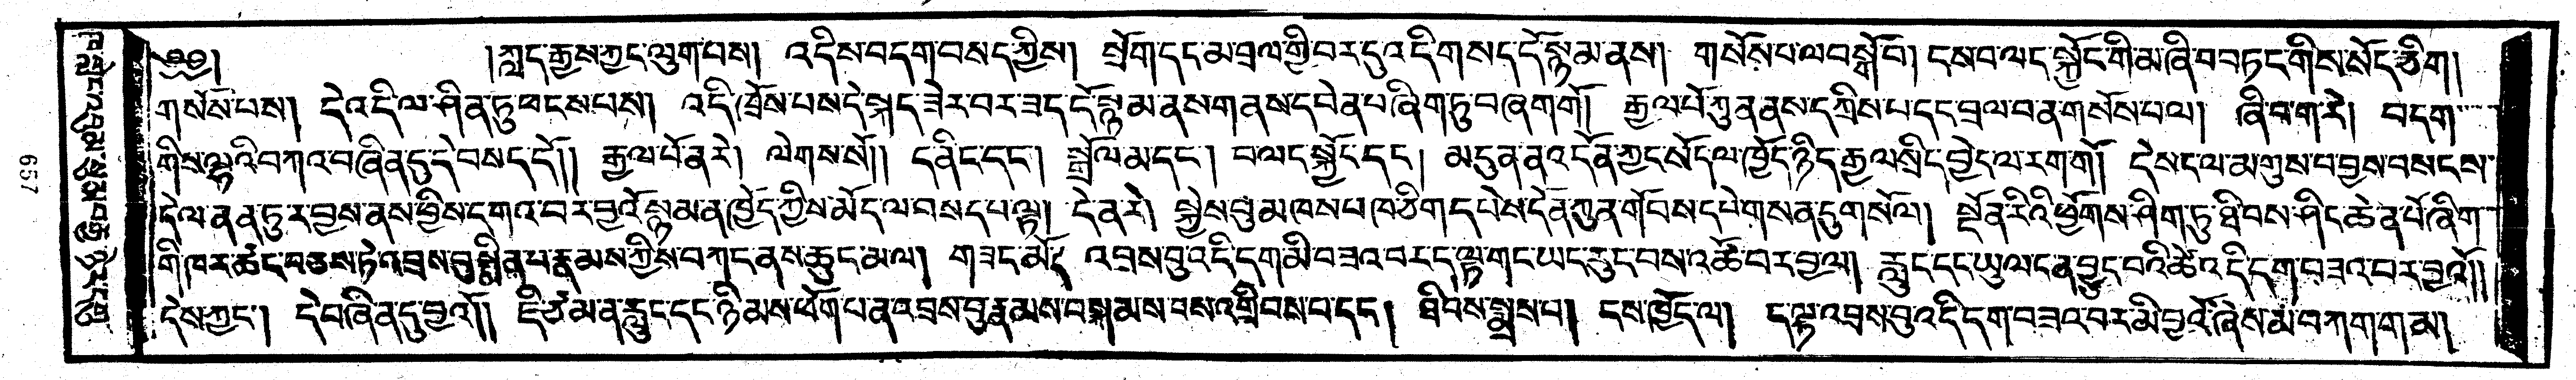༄༅། །ཀླད་རྒྱས་ཀྱང་ལུག་པས། འདིས་བདག་བསད་ཀྱིས། སྲོག་དང་མ་བྲལ་གྱི་བར་དུ་འདི་གསད་དོ་སྙམ་ནས། གསོས་པ་ལ་བསྒོ་བ། ངས་བ་ལང་སྐྱོང་གི་མ་ཞི་བ་བཏང་གིས་སོད་ཅིག།
གསོས་པས། དེ་འདི་ལ་ཤིན་ཏུ་ཕངས་པས། འདི་ཁྲོས་པས་དེ་སྐད་ཟེར་བར་ཟད་དོ་སྙམ་ནས་གནས་དབེན་པ་ཞིག་ཏུ་བཞག་གོ། རྒྱལ་པོ་ཀུན་ནས་དཀྲིས་པ་དང་བྲལ་བ་ན་གསོས་པ་ལ། ཞི་བ་ག་རེ། བདག་
གིས་ལྷའི་བཀའ་བཞིན་དུ་དེ་བསད་དོ།། རྒྱལ་པོ་ན་རེ། ལེགས་སོ།། ད་ནིང་དང་། སྒྲོལ་མ་དང་། བ་ལང་སྐྱོང་དང་། མདུན་ན་འདོན་ཀྱང་སོད་ལ་ཁྱོད་ཉིད་རྒྱལ་སྲིད་བྱེད་ལ་རག་གོ། དེས་ང་ལ་མ་གུས་པ་བྱས་བསངས་
དེ་ལ་ནན་ཏུ་ར་བྱས་ནས་ཕྱིས་དགའ་བར་བྱའོ་སྙམ་ན་ཁྱོད་ཀྱིས་མོད་ལ་བསད་པ་ལྟ། དེ་ན་རེ། སྐྱེས་བུ་མཁས་པ་ཁ་ཅིག་དཔེས་དོན་ཀུན་གོབས་དཔེ་གསན་དུ་གསོལ། སྔོན་རིའི་ཕྱོགས་ཤིག་ཏུ་ཐིབས་ཤིང་ཆེན་པོ་ཞིག་
གི་ཁར་ཚང་བཅས་ཏེ་འབྲས་བུ་སྨིན་པ་རྣམས་ཀྱིས་བཀང་ནས་ཆུང་མལ། གཟང་མོད་འབྲས་བུ་འདི་དག་མི་བཟའ་བར་ད་ལྟ་གང་ཡང་རུང་བས་འཚོ་བར་བྱ་ལ། རླུང་དང་ཡུལ་ངན་བྱུང་བའི་ཚེ་འདི་དག་བཟའ་བར་བྱའོ།།
དེས་ཀྱང་། དེ་བཞིན་དུ་བྱའོ།། ཇི་ཙམ་ན་རླུང་དང་ཉི་མས་ཕོག་པ་ན་འབྲས་བུ་རྣམས་བསྐམས་བས་འགྲིབས་པ་དང་། ཐིབས་སྨྲས་པ། ངས་ཁྱོད་ལ། ད་ལྟ་འབྲས་བུ་འདི་དག་བཟའ་བར་མི་བྱའོ་ཞེས་མ་བཀག་གམ།